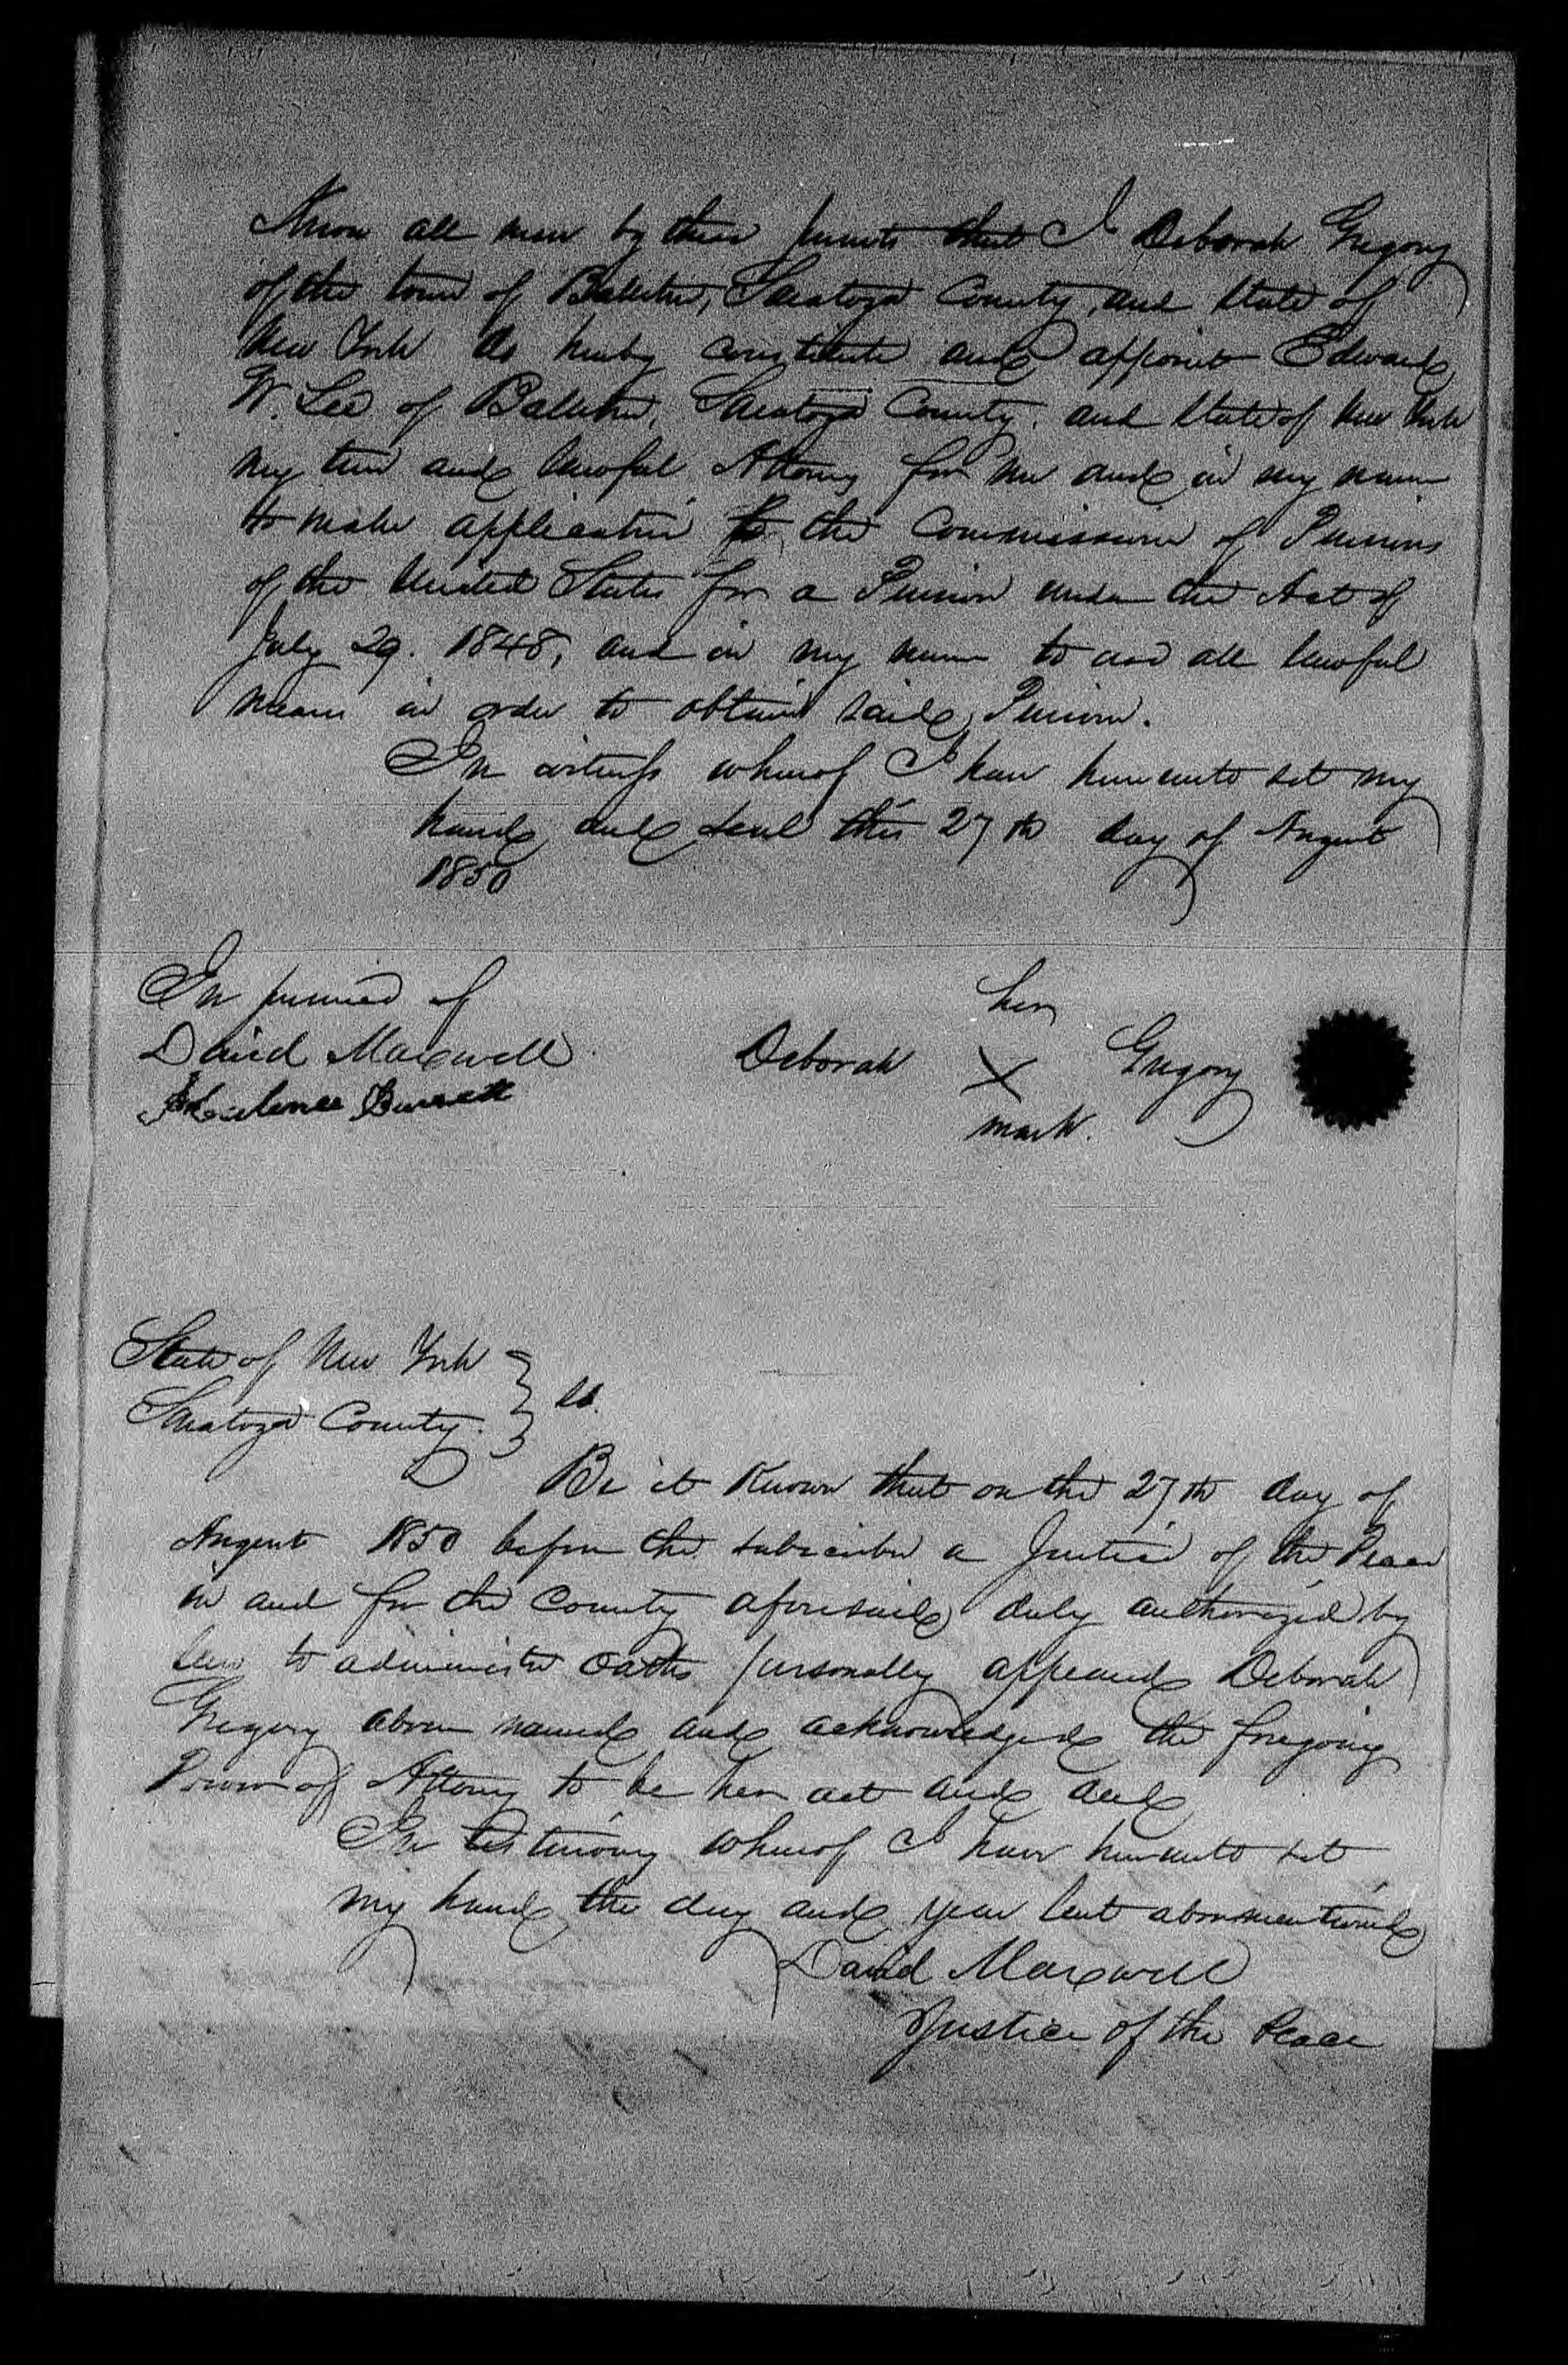Know all men by these presents that I Deborah Gregory of the town of Ballston, Saratoga County, and state of New York do hereby constitute and affirm Edward W. Lee of Ballston, Saratoga County, and State of New York my true and lawful attorney for me and in my name to make application to the Commissioner of Pensions of the United States for a Pension under the Act of July 29, 1848, and in my name to and all lawful means in order to obtain said Pension.
In witness whereof I have hereunto set my hand and seal this 27th day of August 1850.
Deborah Gregory X her mark
In presence of David Maxwell
Malina Burrett

State of New York
Saratoga County}Ss. 
Be it known that on the 27th day of August 1850 before the subscriber a Justice of the Peace in and fort the County aforesaid duly authorized by law to administer oaths, personally appeared Deborah Gregory above named and acknowledged the foregoing Power of Attorney to be her act and deed.
In testimony whereof I have hereunto set my hand the day and year last above mentioned.
David Maxwell
Justice of the Peace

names: Edward W Lee, Malina Burrett, Deborah Gregory, David Maxwell, Deborah Gregory, Deborah Gregory, David Maxwell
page: 21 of 34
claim: widow's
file: W. 1596, Joseph Gregory, Conn.